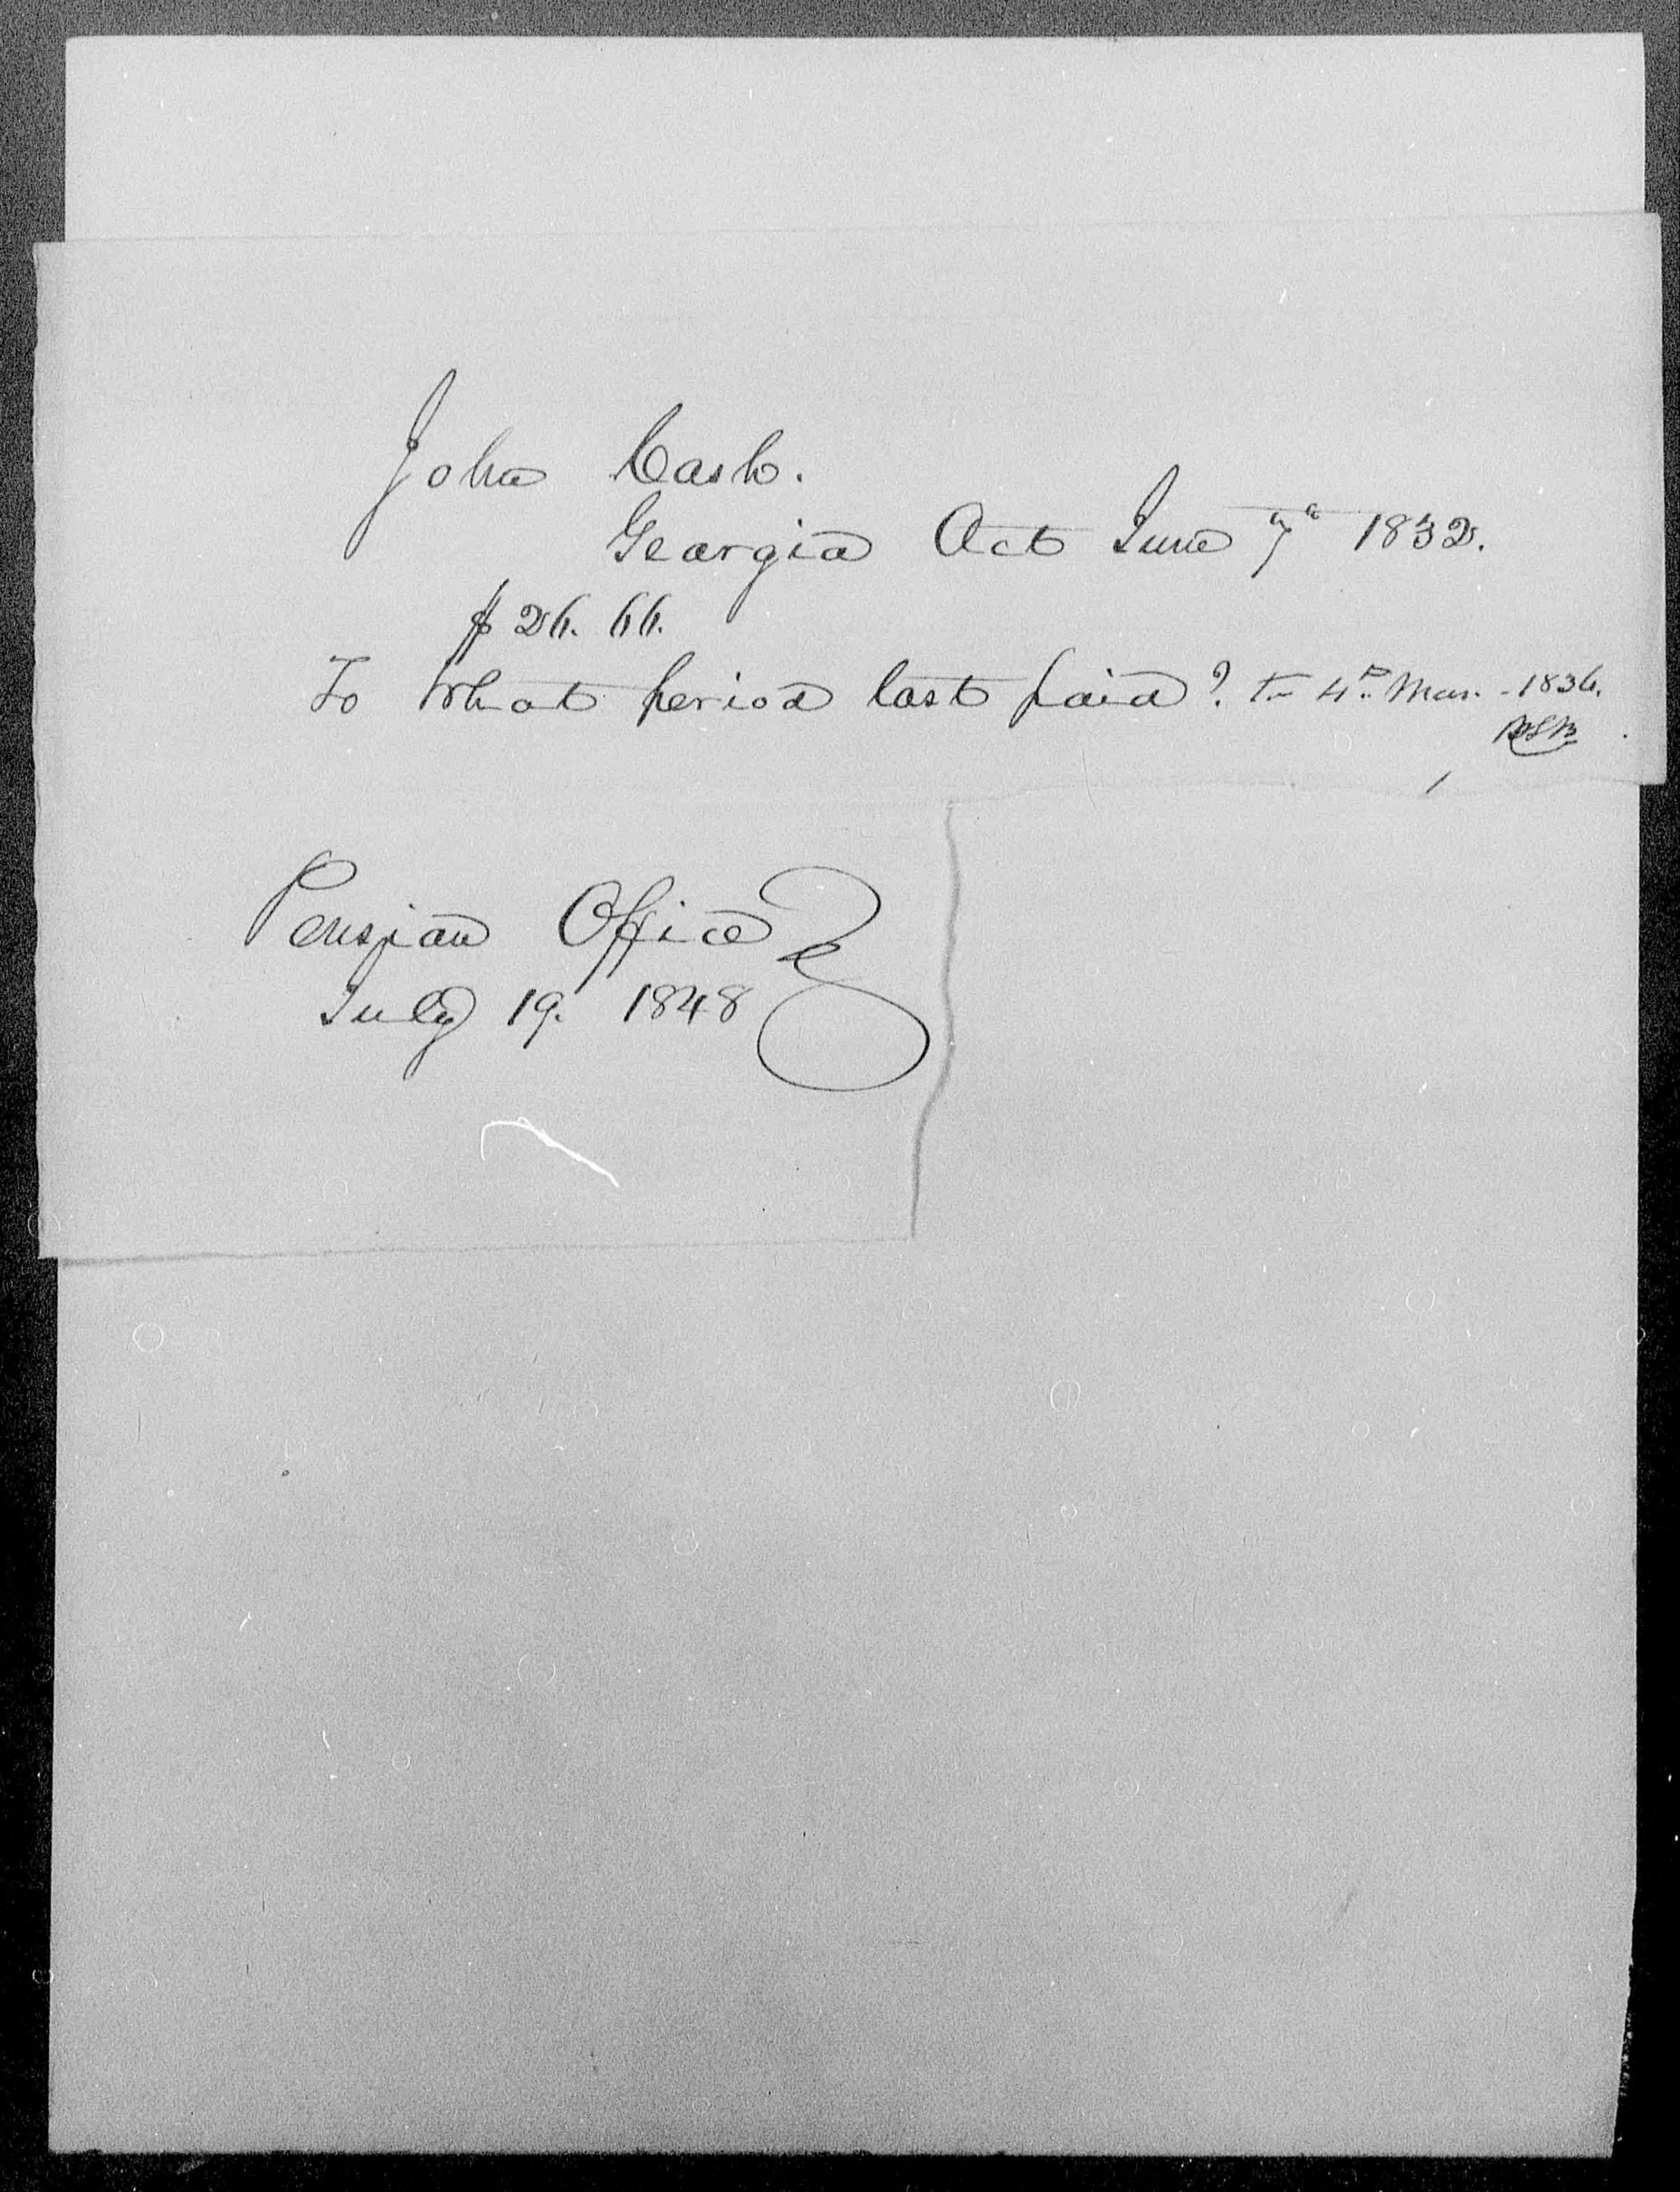John Cash
Georgia Act June 7th 1832
$26.66.
To what period last paid? to 4th Mar. 1836

Pension Office
July 

19. 1848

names: John Cash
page: 27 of 73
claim: widow's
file: W. 5,894, John Cash, Va.